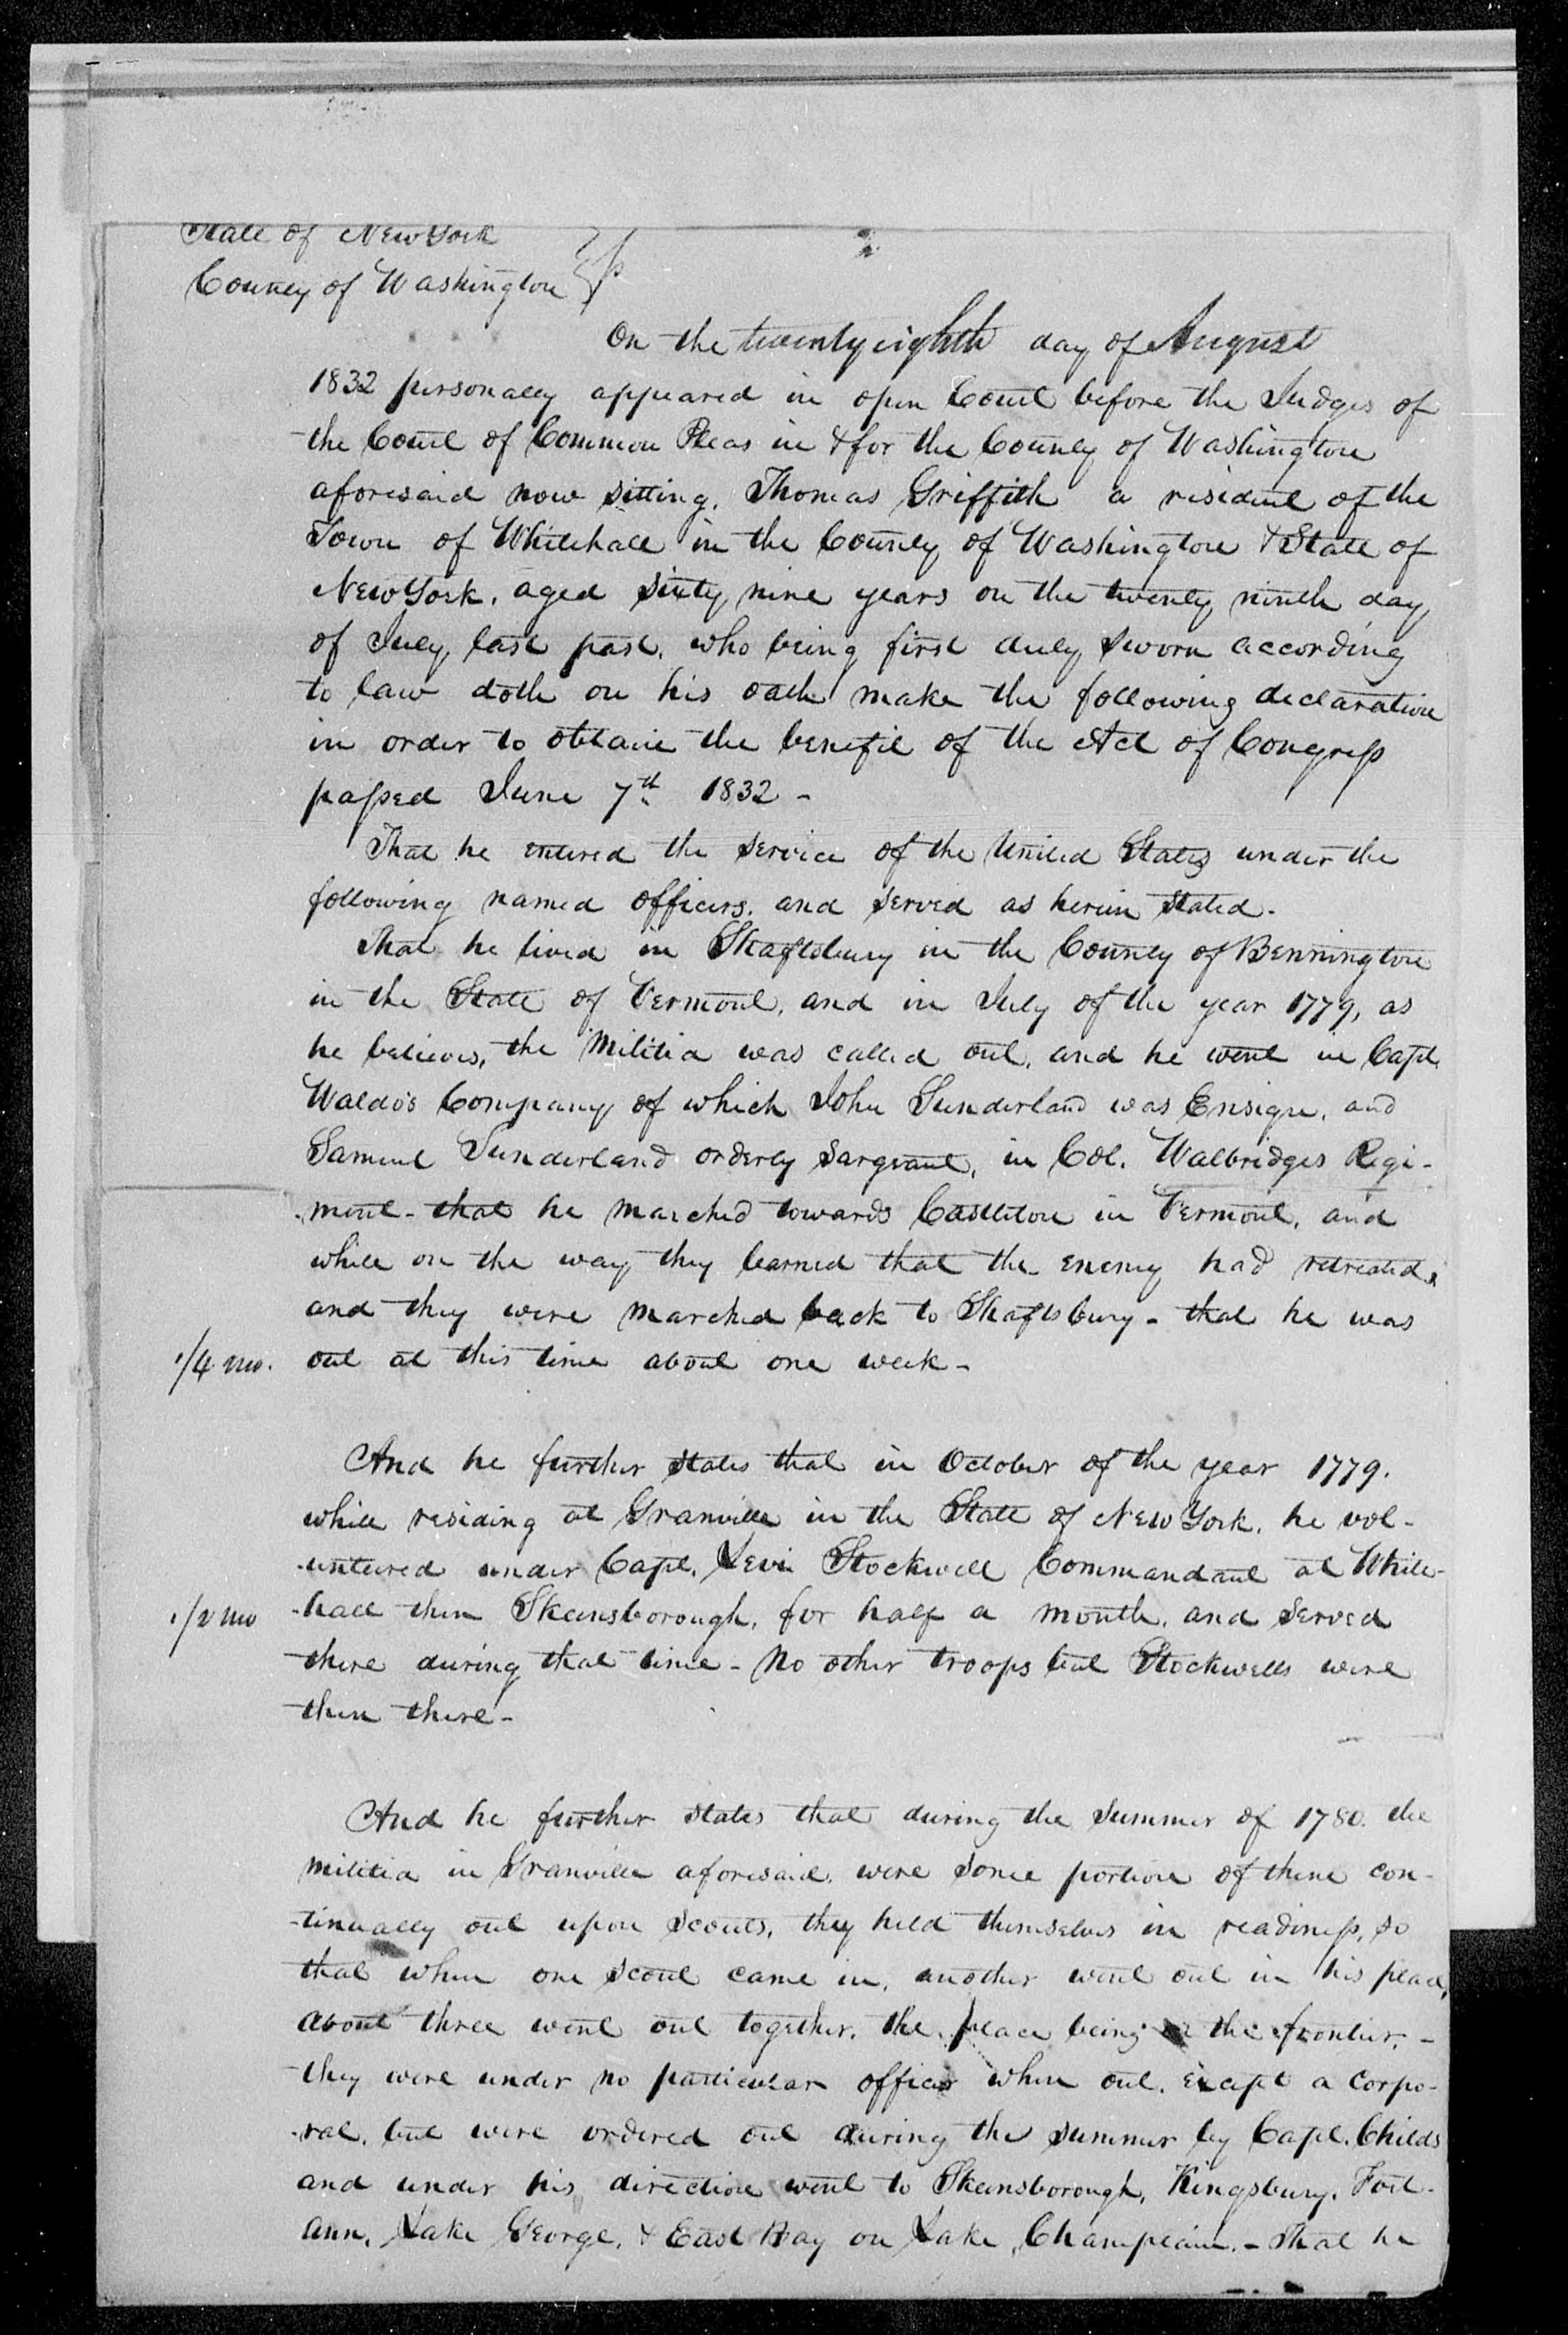State of New York County of Washington ss
On the twenty eighth day of August 1832 personally appeared in open court before the Judges of the Court of Common Pleas in & for the County of Washington aforesaid now sitting, Thomas Griffith a resident of the Town of Whitehall in the County of Washington & State of New York, aged sixty nine years on the twenty ninth day of July last past, who being first duly sworn according to law doth on his oath make the following declaration in order to obtain the benefit of the Act of Congress passed June 7th 1832.
That he entered the Service of the United States under the following named officers and served as herein stated.
That he lived in Shaftsbury in the County of Bennington in the State of Vermont, and in July of the year 1779, as he believes, the Militia was called out, and he went in Capt Waldo's Company of which John Sunderland was Ensign, and Samuel Sunderland orderly Sargeant, in Col. Walbridge Regiment. that he marched towards Castleton in Vermont, and while on the way they learned that the enemy had retreated, and they were marched back to Shaftsbury. that he was out at this time about one week.

And he further states that in October of the year 1779 while residing at Granville in the State of New York he volunteered under Capt. Levi Stockwell Commandant at Whitehall then Skeinsborough, for half a month, and served there during that time. No other troops but Stockwells were then there.

And he further states that during the summer of 1780 the militia in Granville aforesaid were some portion of them continually out upon scouts, they held themselves in readiness so that when one scout came in another went out in his place, abut three went out together, the peace being at the frontier. they were under no particular officer when out except a corporal, but were ordered out during the summer by Capt. Childs and under his direction went to Skeinsborough Kingsbury, Fort Ann, Lake George, & East Bay on Lake Champlain. That he 

(written on left hand side "1/4 mo. + 1/2 mo")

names: Childs, Thomas Griffith, Levi Stockwell, John Sunderland, Samuel Sunderland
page: 6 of 14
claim: survivor's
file: S. 23663, Thomas Griffith, New York Vt.